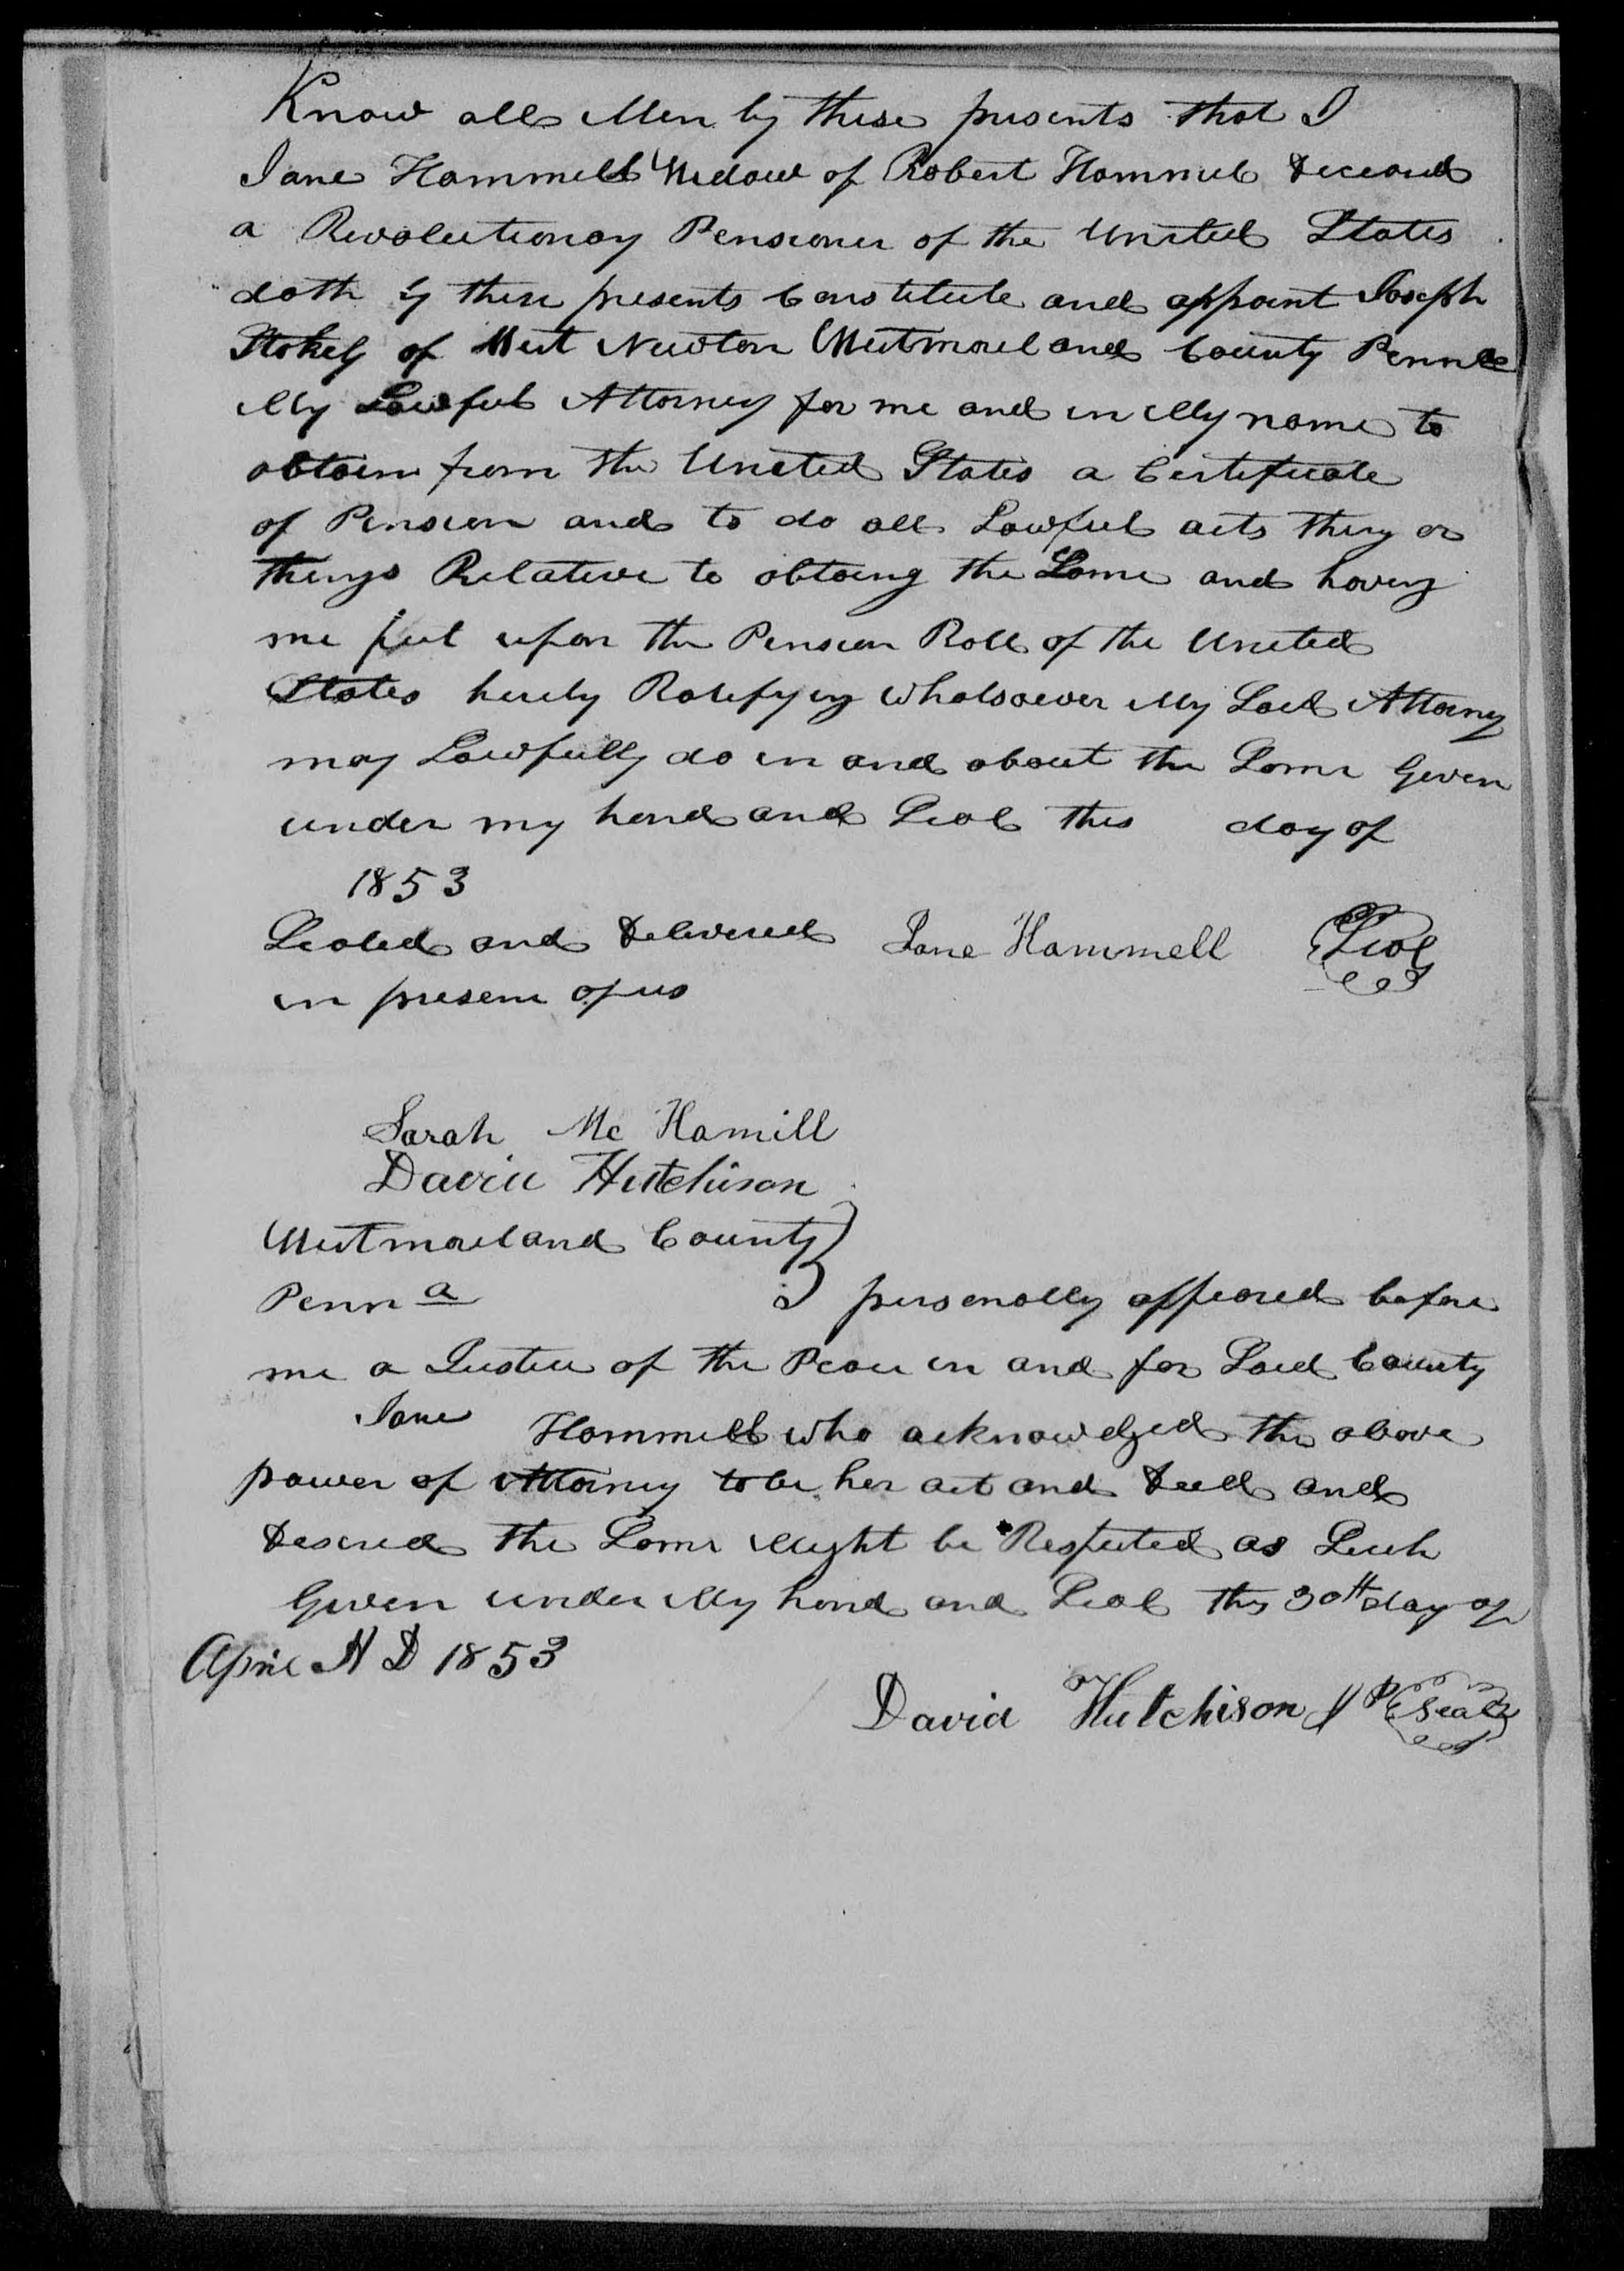Know all men by these presents that I Jane Hammell widow of Robert Hammel deceased a Revolutionary Pensioner of the United States doth by these presents constitute and appoint Joseph Stokely [?] of West Newton Westmoreland County Penna my lawful attorney for me and in my name to obtain from the United States a certificate of pension and to do all lawful acts thing [?] or things relative to obtaining the same [?] and having me put upon the pension roll of the United States hereby ratifying whatsoever my said attorney may lawfully do in and about the same given under my hand and seal this [blank space] day of [blank space] 1853.  Jane Hammell [hand drawn seal] Sealed and delivered in presence of us Sarah McHamill David Hutchison

Westmoreland County Penna  Personally appeared before me a Justice of the Peace in and for the said county Jane Hammell who acknowledged the above power of attorney to be her act and deed [?] and desired the [illegible - same?]  [illegible - right?] be respected as such.  Given under my hand and seal the 30th day of April AD 1853. David Hutchison JP (hand drawn seal)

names: Joseph Stokely, Jane Hammell, Jane Hammell, David Hutchison, Sarah Me Hamill, David Hutchison, Robert Hammel, Jane Hammell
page: 18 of 92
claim: widow's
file: W 1173, Robert Hamill, Penn.